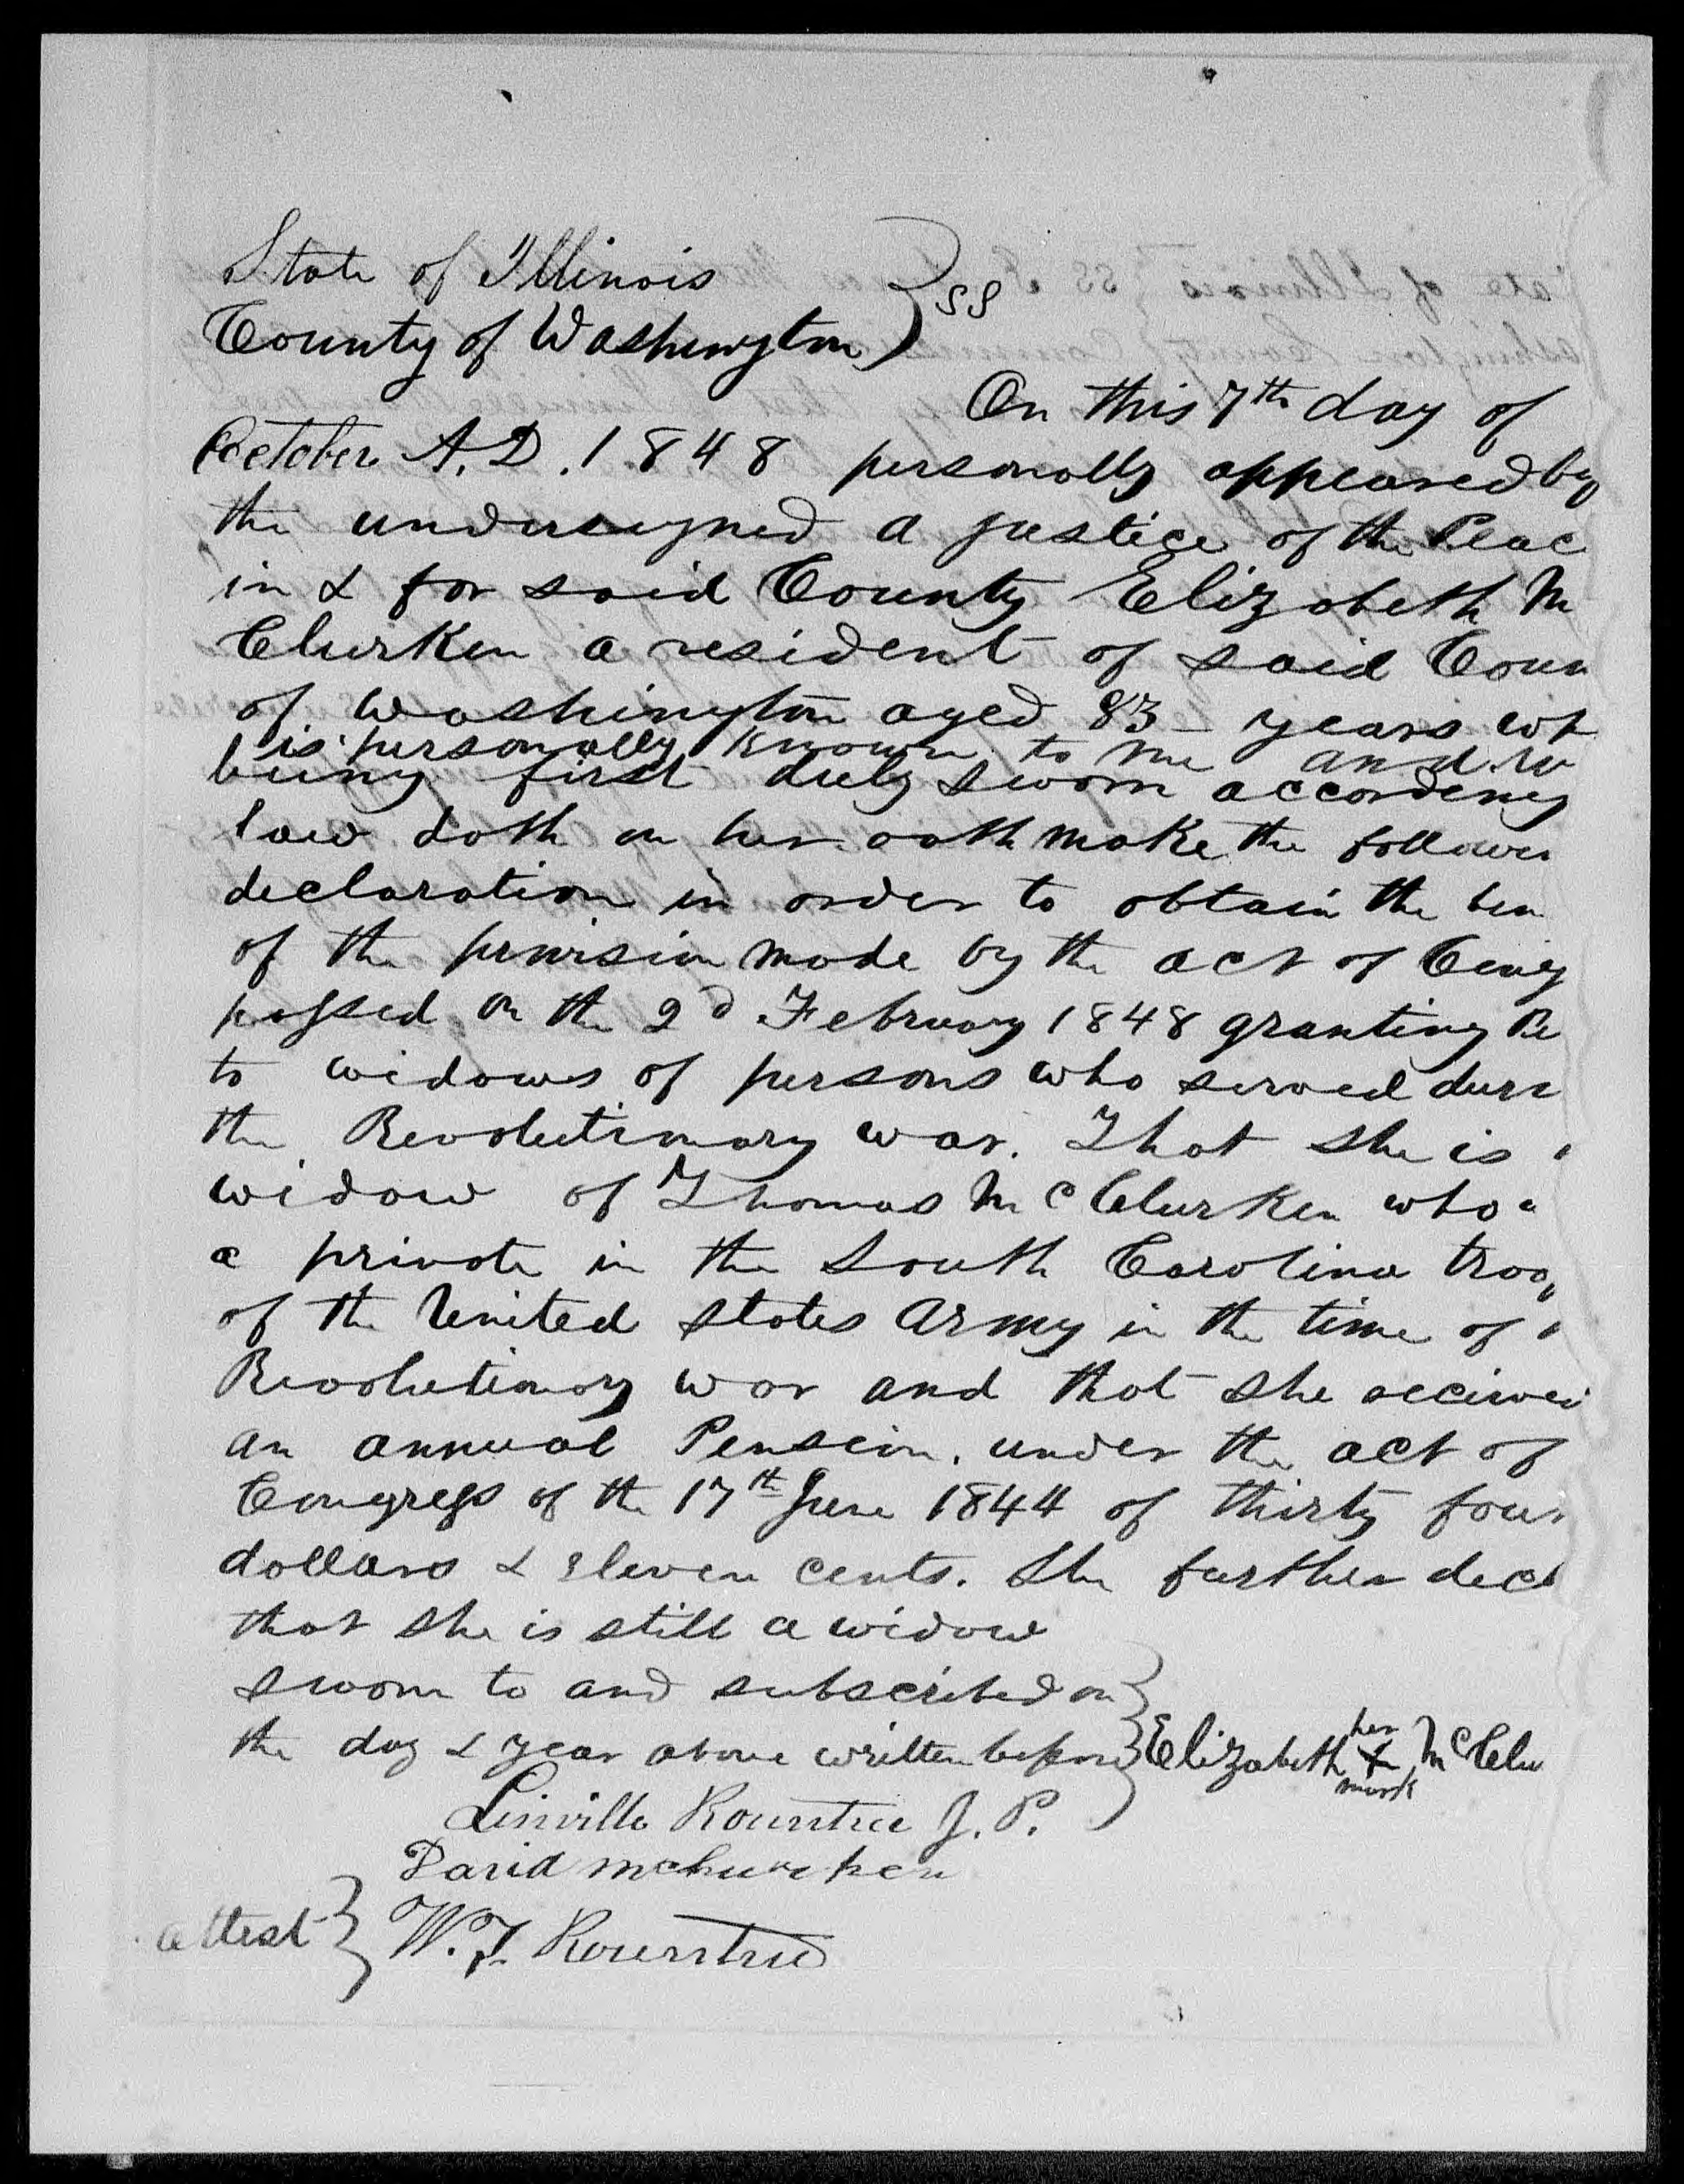State of Illinois} ss
 County of Washington}
 
On this 7th day of 
October A.D. 1848 personally appeared by the undersigned a Justice of the Peace 
in & for said County Elizabeth 
McClurken a resident of said County 
of Washington aged 83 years who 
is personally known to me and who 
being first duly sworn according to
law doth on her oath make the following declaration of in order to obtain the benefits of the provision made by the act of Congress
passed on the 2nd February 1848 granting benefits
 to widows of persons who served during 
the Revolutionary war. That she is the
widow of Thomas McClurken who was
private in the South Carolina troops 
of the United States Army in the time of the Revolutionary war and that she received an annual Pension, under the act of 
Congress of the 17th June 1844 of thirty four dollars & eleven cents. She further declared that she is still a widow.
Elizabeth McClurken
{her mark}

Sworn to and subscribed on}
 the day & year above written before}  
Linville Rountie J.P.
 David McClurken
 attest}  W.T Rountree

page: 79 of 93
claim: widow's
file: W. 21792, for Thomas Mc Clurken, South Carolina